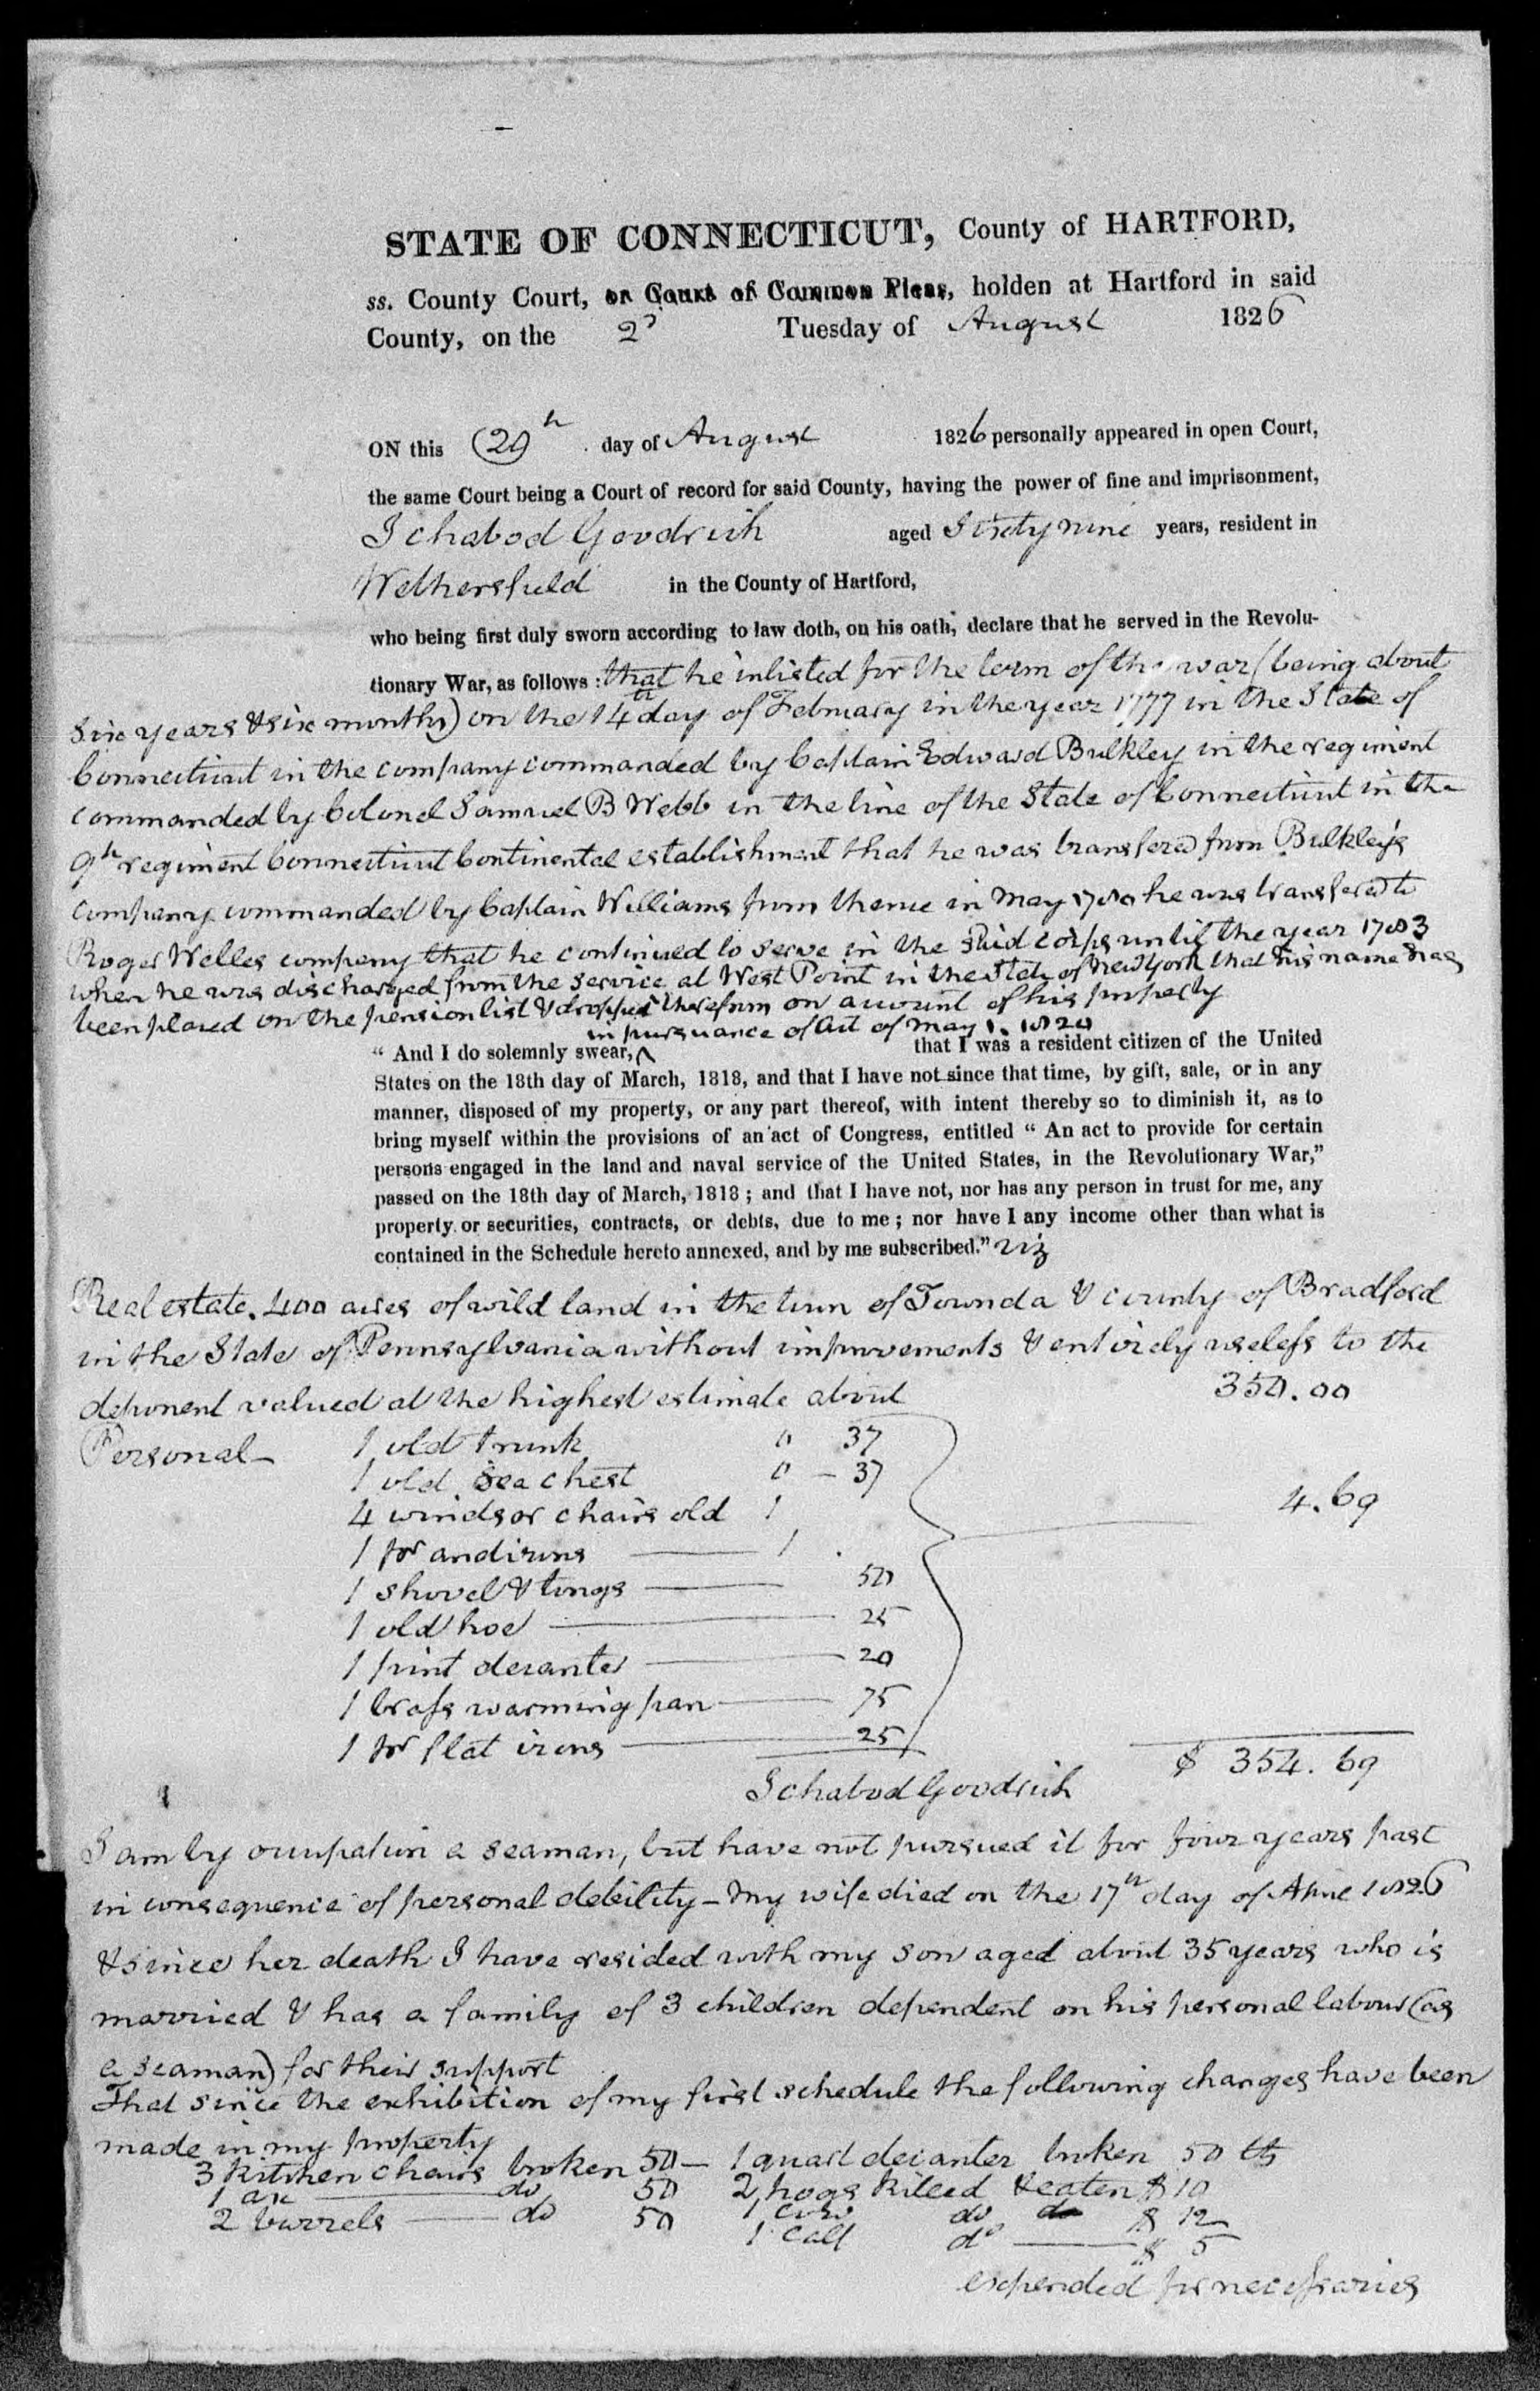STATE OF CONNECTICUT, County of HARTFORD,
ss. County Court, holden at Hartford in said County, on the 2nd Tuesday of August 1826.

ON this 20th day of August 1826 personally appeared in open Court, the same Court being a Court of record for said County, having the power of find and imprisonment, Ichabod Goodrich aged sixty nine years, resident in Wethersfield in the County of Hartford, who being first duly sworn according to law doth, on his oath, declare that he served in the Revolutionary War, as follows:

That he enlisted for the term of the war being about six years & six months on the 14 day of February in the year 1777 in the state of Connecticut in the company commanded by Captain Edward Bulkley in the regiment commanded by Colonel Samuel B. Webb in the line of the State of Connecticut in the 9th regiment Connecticut Continental establishment. That he was transferred from Bulkley's company commanded by Captain William. From thence in May 1780 he was transferred to Roger Welles company that he continued to serve in the said corps until the year 1783 when hew as discharged from the service at West Point in the state of New York. That his name has been placed on the pension list & dropped therefrom on account of his property.

And I do solemnly swear, in pursuance of Act of May 1, 1820, that I was a resident citizen of the United States on the 18th day of March, 1818, and that I have not since that time, by gift, sale, or in any manner, disposed of my property, or any part thereof, with intent thereby so to diminish it, as to bring myself within the provisions of an act of Congress, entitled "An act to provide for certain persons engaged in the land and naval service of the United States, in the Revolutionary War," passed on the 18th day of March, 1818; and that I have not, nor has any person in trust for me, any property or securities, contracts, or debts, due to me; nor have I any income other than what is contained in the Schedule hereto annexed, and by me subscribed." viz

Real estate, 400 acres of wild land in the town of Towanda & County of Bradford in the State of Pennsylvania without improvements & entirely useless to the deponent valued at the highest estimate  about   350.00

Personal ~
1 old trunk  0.37
1 old sea chest  0.37
4 windsor chairs old  1.00
1 pr andirons  1.00
1 shovel & tongs   .50
1 old hoe  .25
1 pint decanter  .20
1 brass warming pan  .75
1 pr flat irons  .25
_____________________
4.69
________
$354.69

Ichabod Goodrich

I am by occupation a seaman, but have not pursued it for four years past in consequence of personal debility. My wife died on the 17th day of April 1826 & since her death I have resided with my son aged about 35 years who is married & has a family of 3 children dependent on his personal labors (as a seaman) for their support.
That since the exhibition of my first schedule the following changes have been made in my property
3 kitchen chairs broken  .50
1 axe broken .50
2 barrels broken .50
1 quart decanter broken .50
2 hogs killed & eaten $10
1 cow killed & eaten $12
1 calf killed & eaten $5
expended for necessaries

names: Edward Bulkley, Samuel B Webb, Williams, Ichabod Goodrich, Ichabod Goodrich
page: 21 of 46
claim: survivor's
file: S. 36,556, Ichabod Goodrich, Conn.